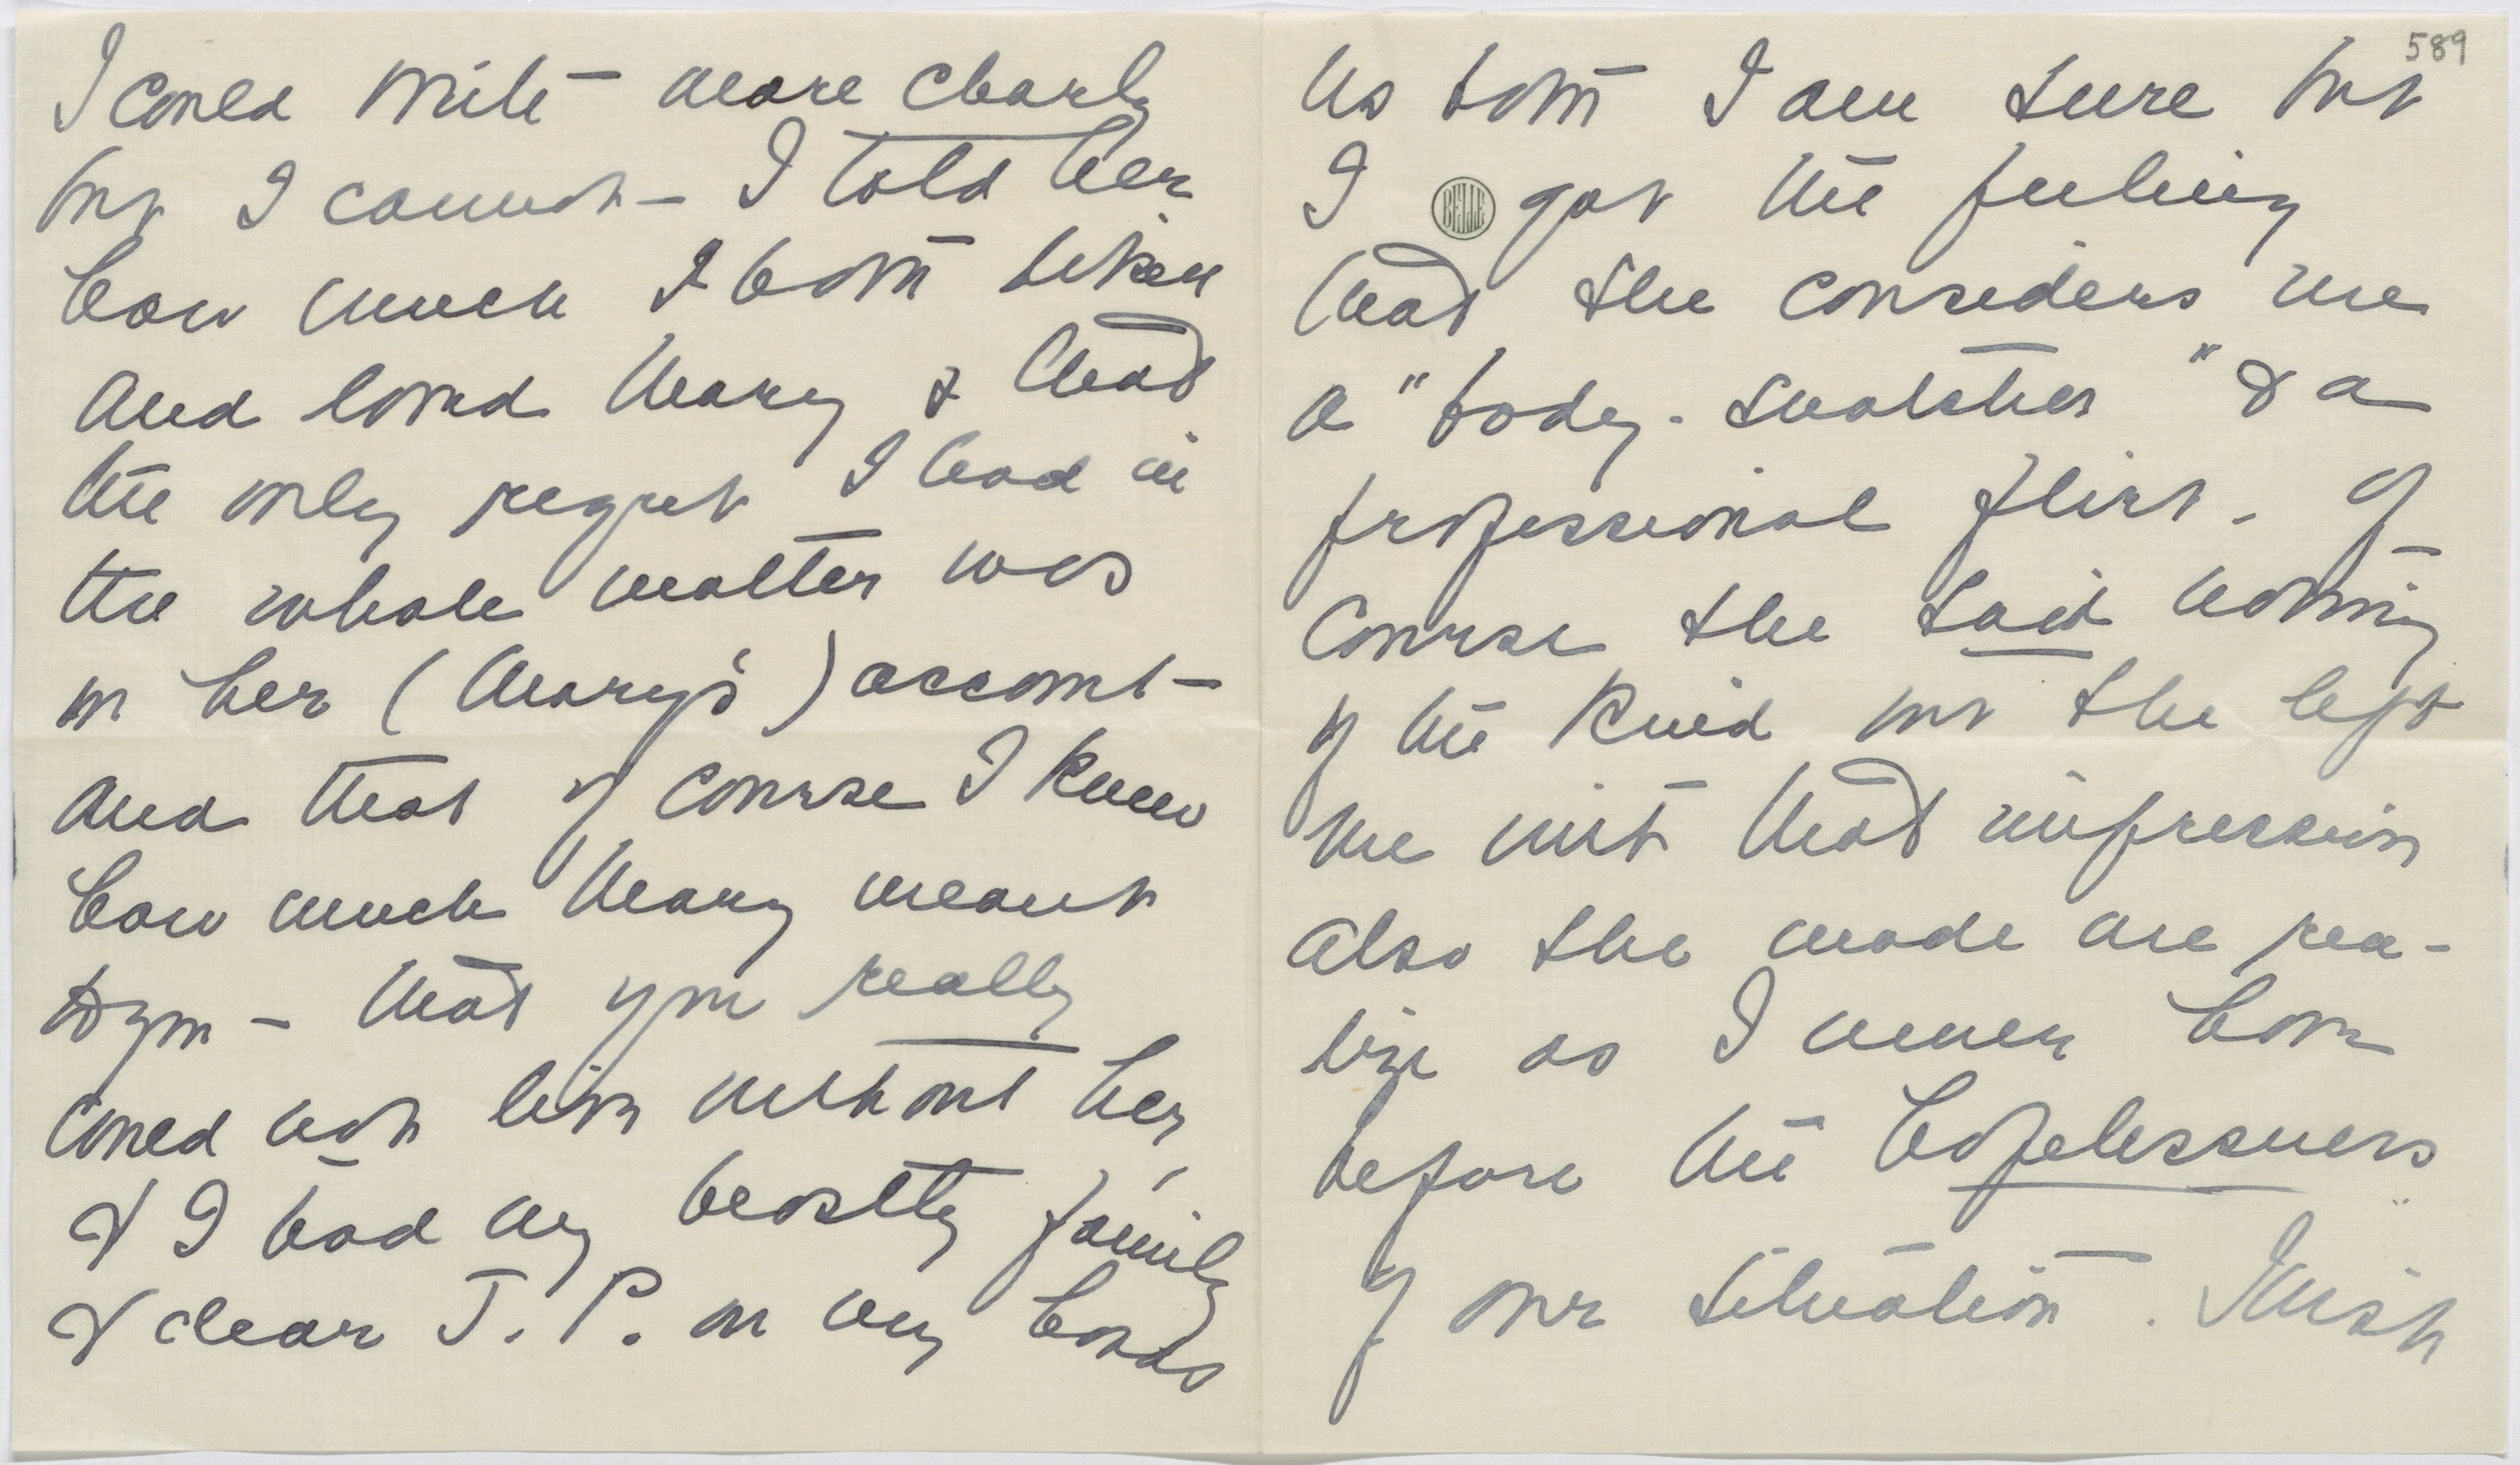us both I am sure but I got the feeling that she considers me a “body-snatcher” & a professional flirt – of course she said nothing of the kind but she left me with that impression also she made me realize as I never have before the hopelessness of our situation. I wish
I could write more clearly but I cannot – I told her how much I both liked and loved Mary & that the only regret I had in the whole matter was on her (Mary’s) account and that of course I knew how much Mary meant to you – that you really could not live without her, & I had my beastly family & dear J.P. on my hands